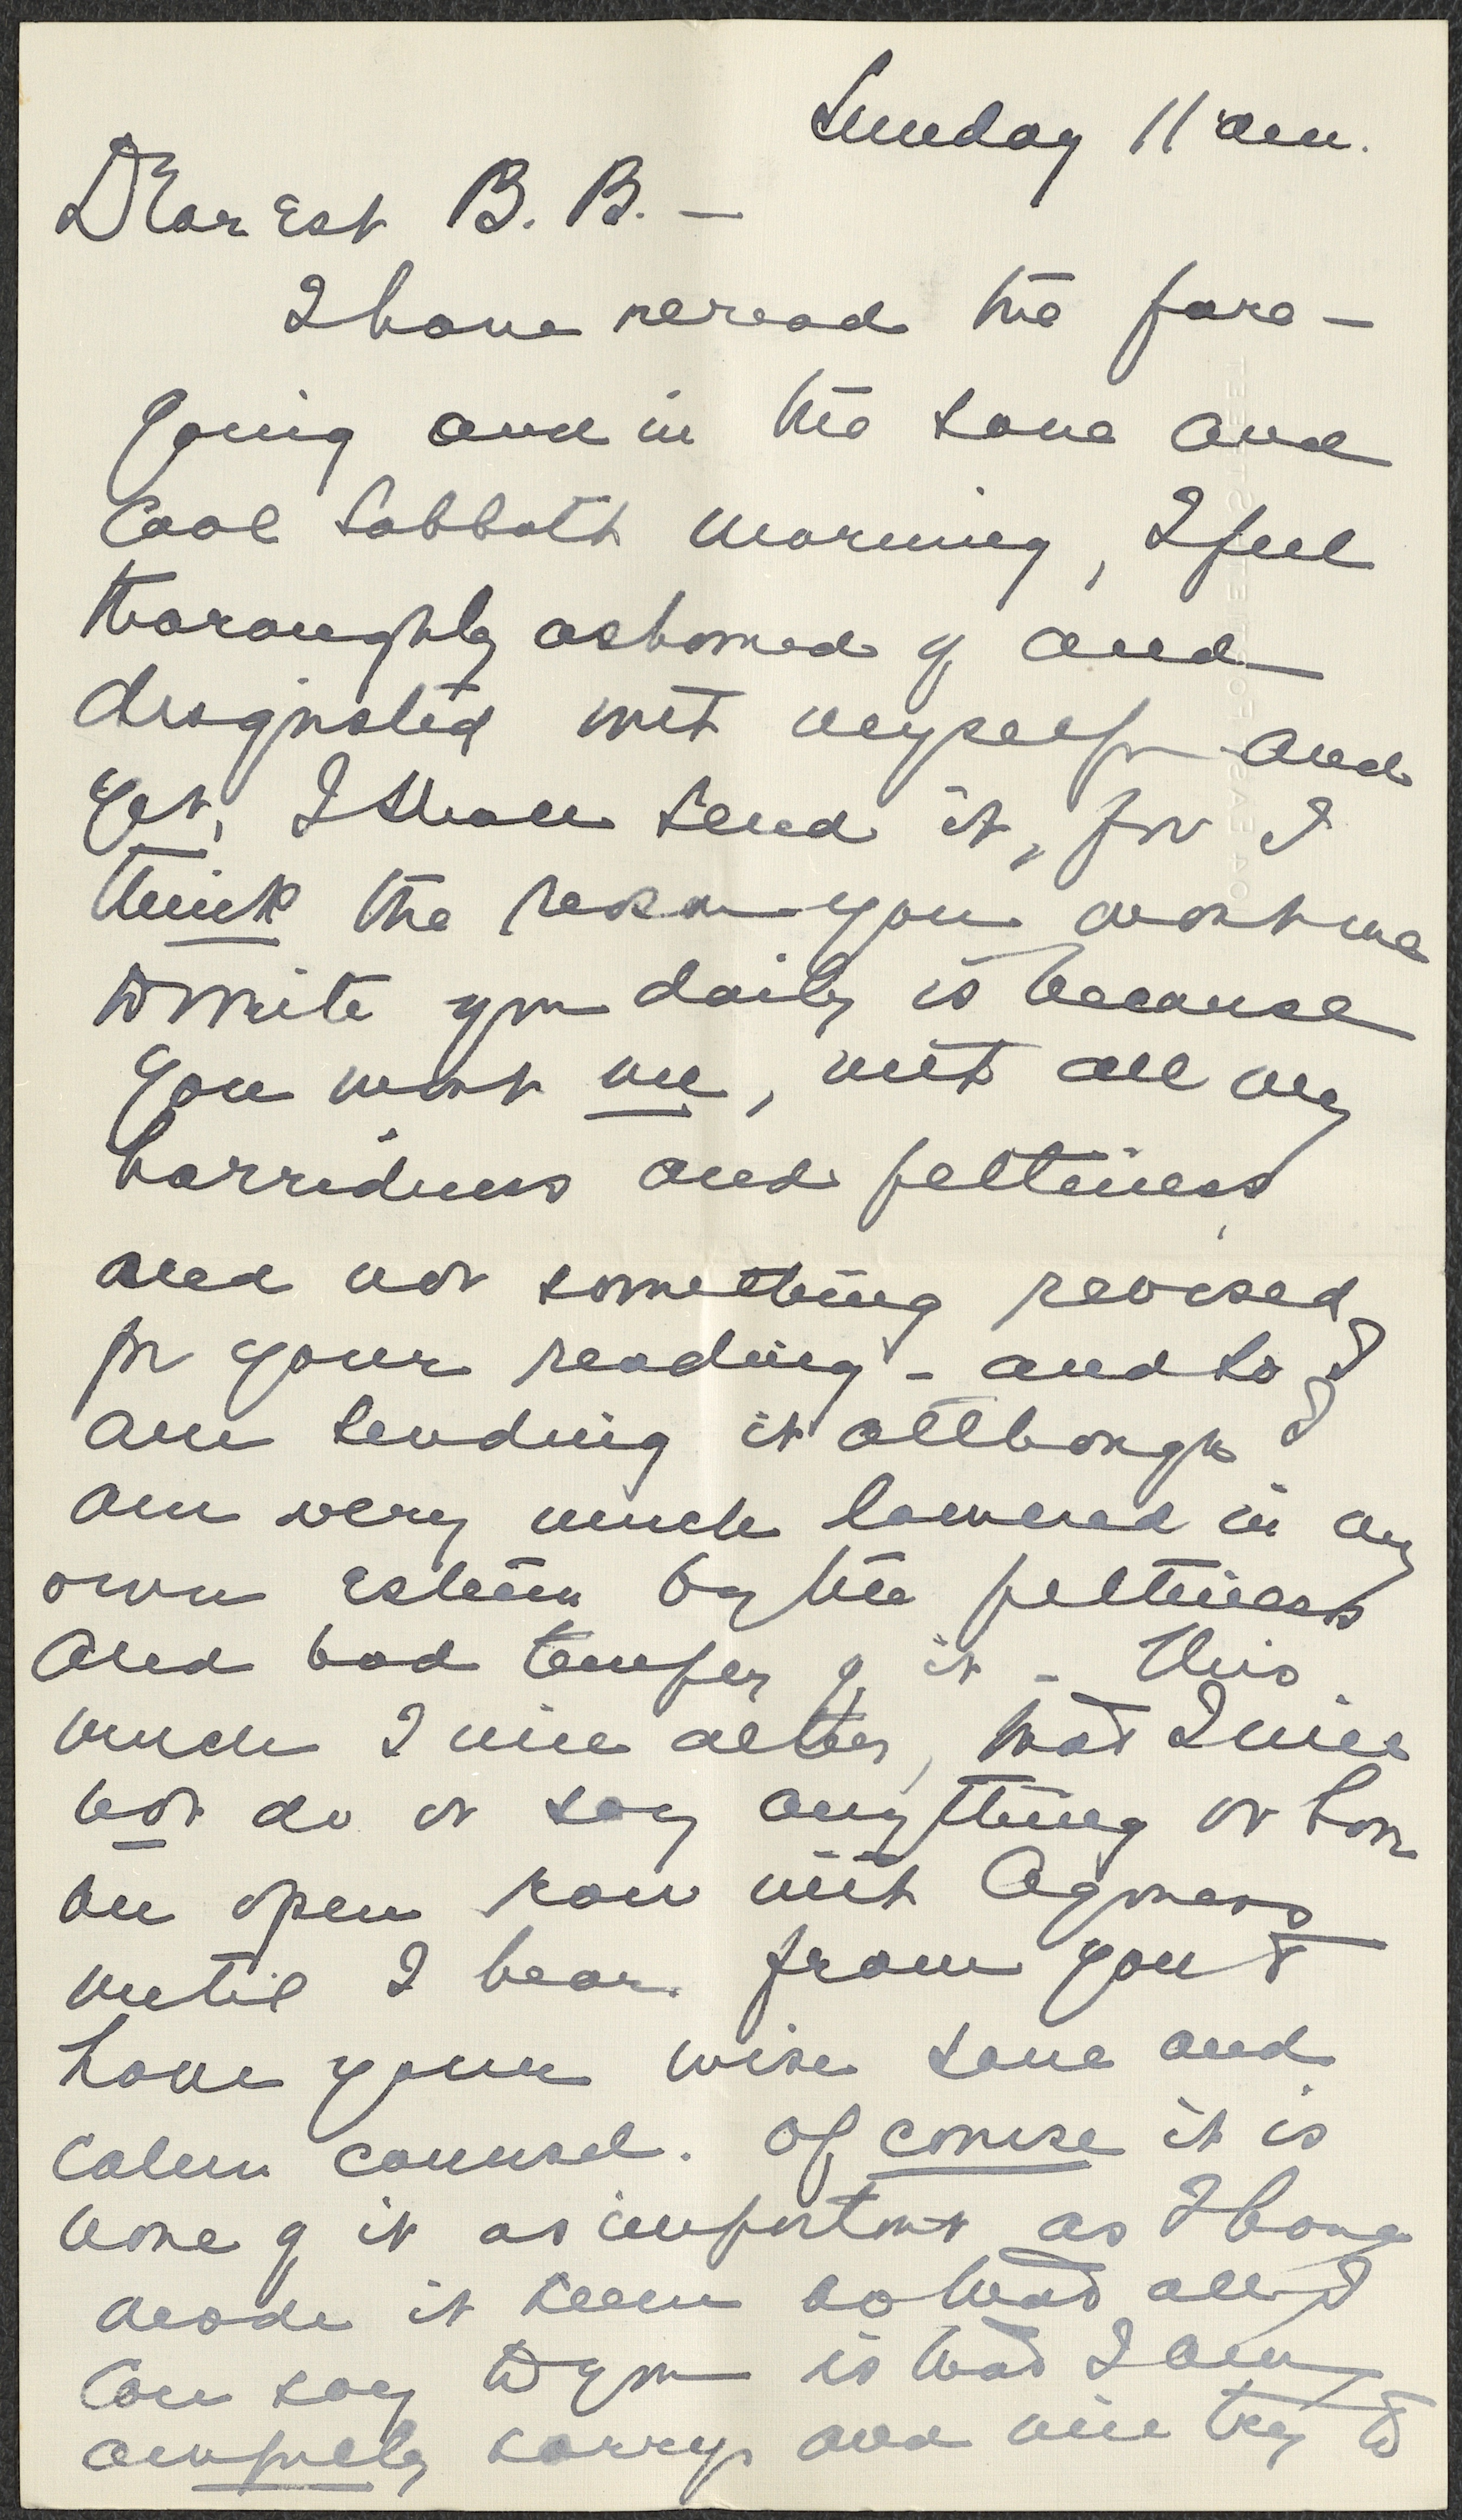Sunday 11 am.
Dearest B.B. –
I have reread the foregoing and in the sane and cool sabbath morning, I feel thoroughly ashamed of and disgusted with myself and yet, I shall send it, for I think the reason you want me to write you daily is because you want me, with all my horridness and pettiness and not something revised for your reading – and so I am sending it although I am very much lowered in my own esteem by the pettiness and bad temper of it – this much I will alter, that I will not do or say anything or have an open row with Agoness until I hear from you & have your wise sane and calm counsel. Of course it is none of it as important as I have made it seem so that all I can say to you is that I am awfully sorry and will try to